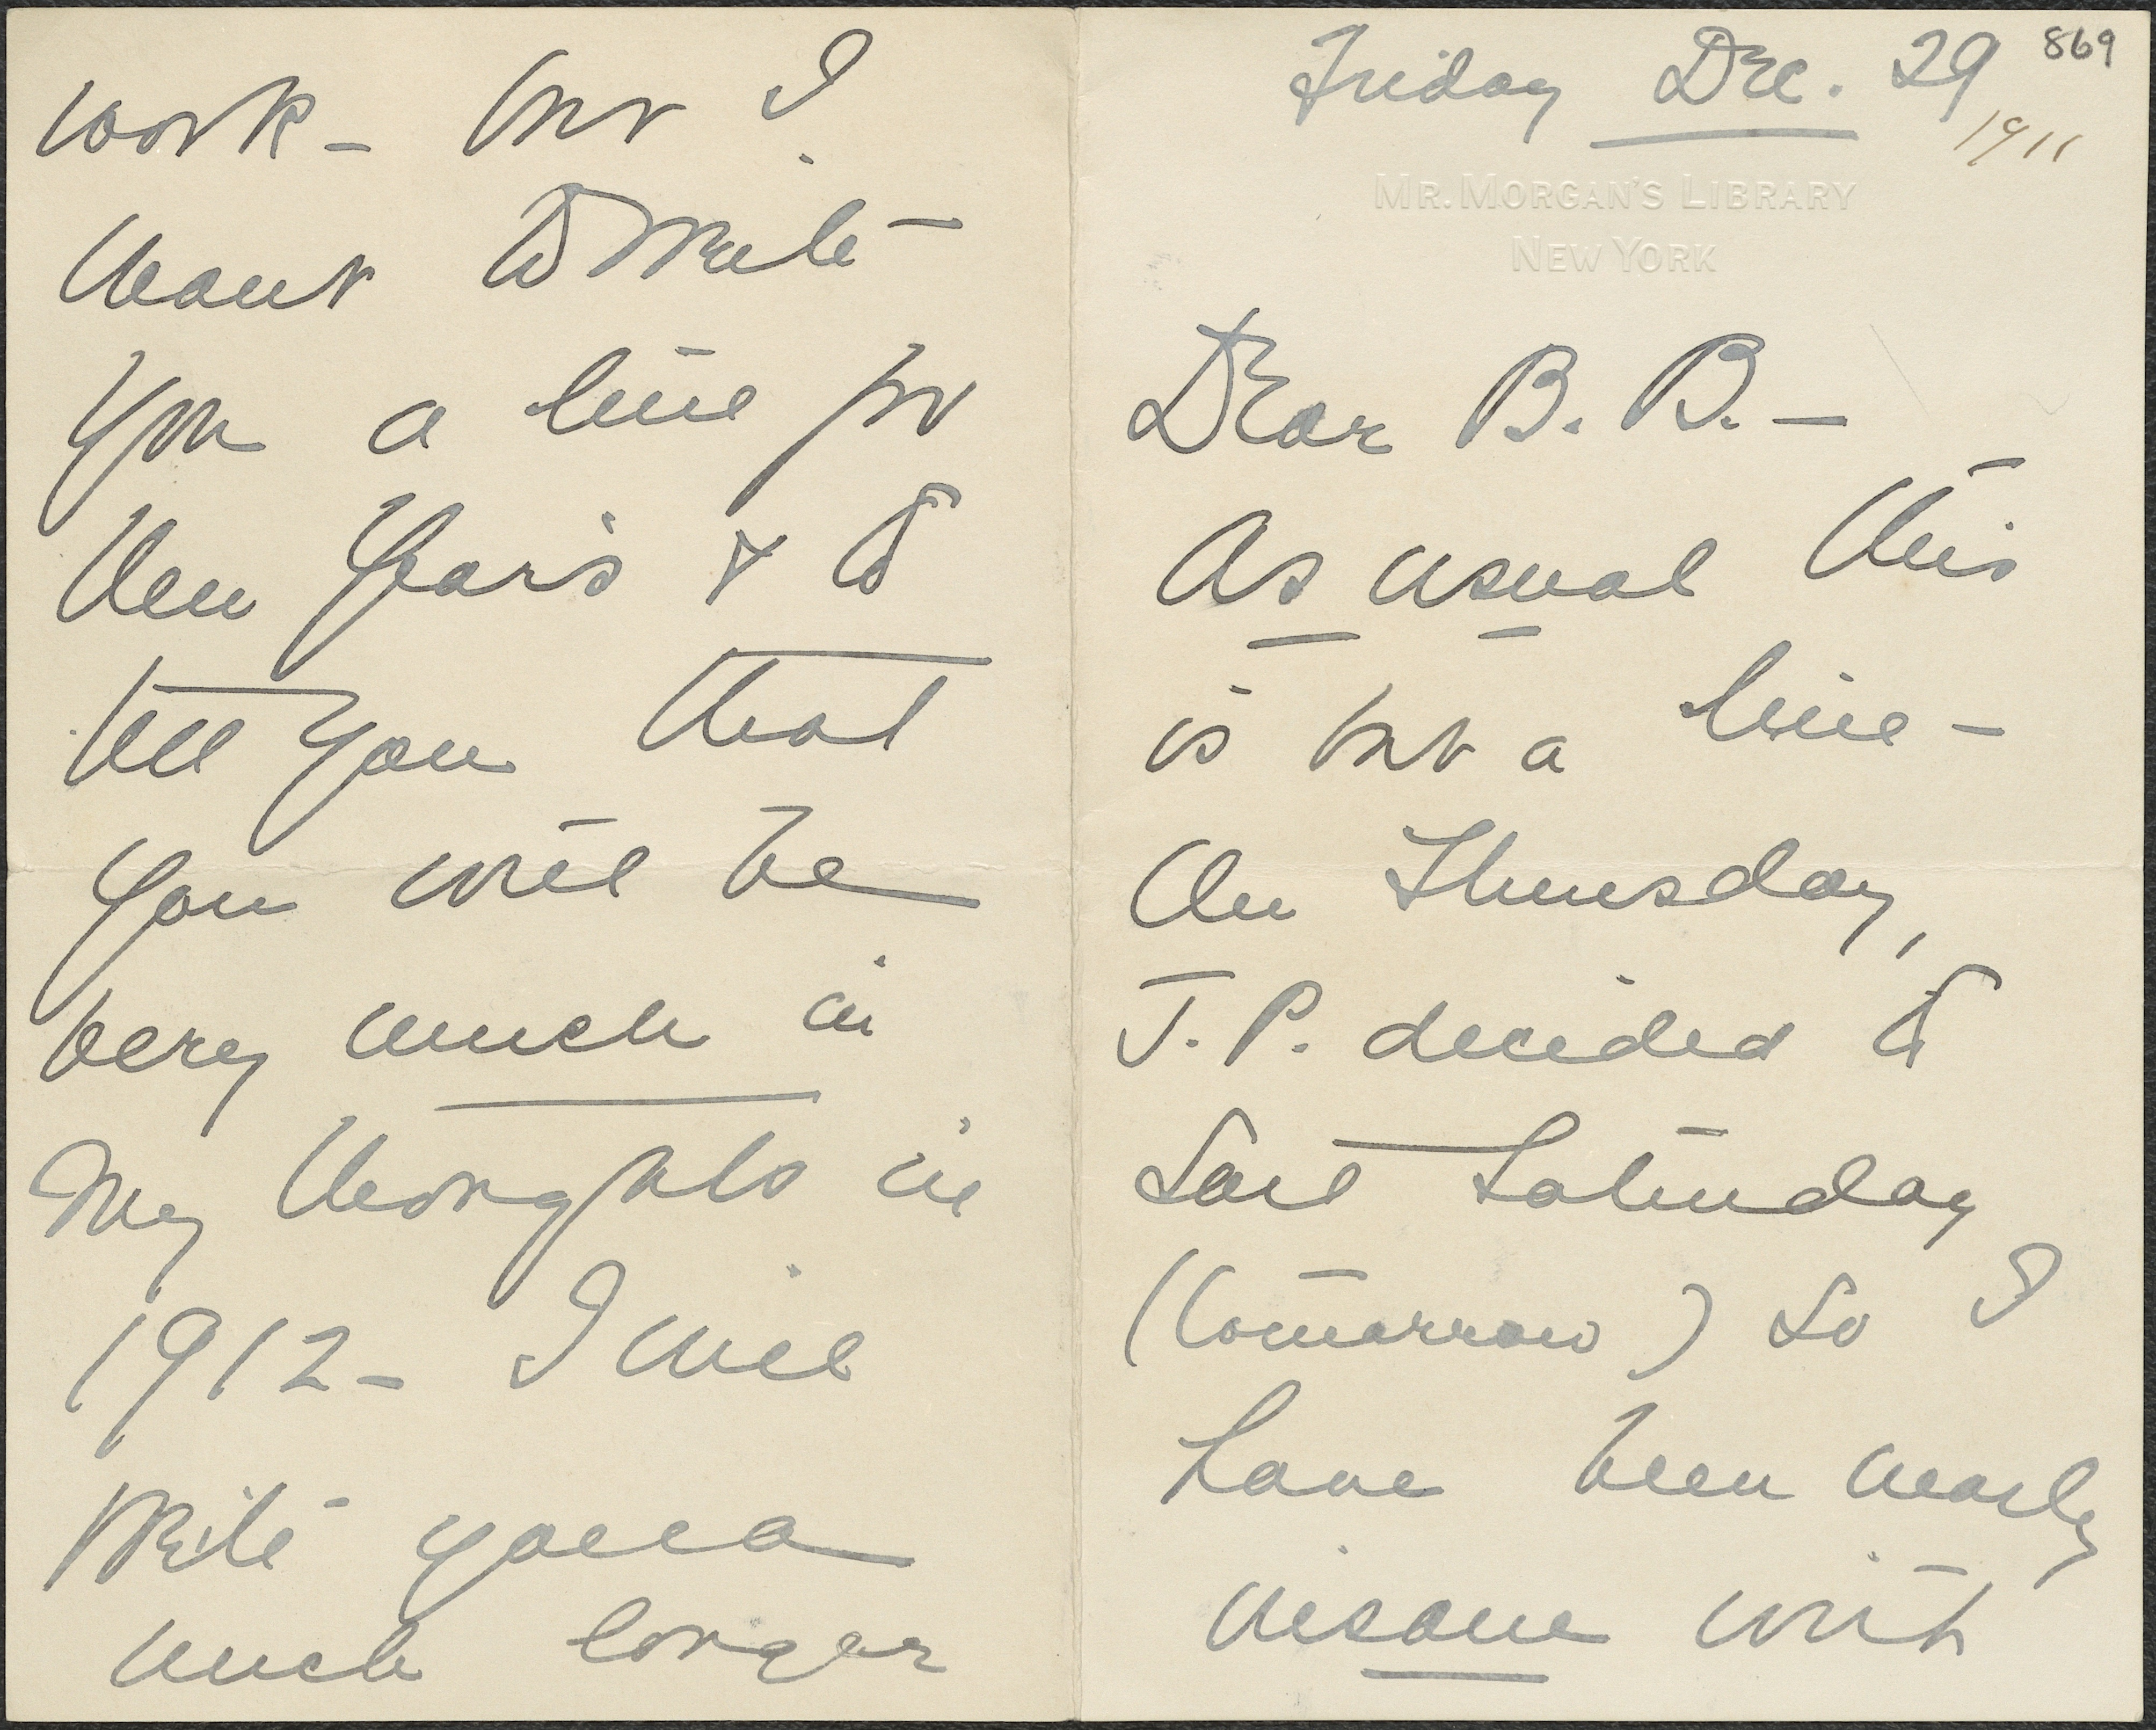Friday Dec. 29
Dear B. B. –
As usual this is but a line – On Thursday, J. P. decided to sail Saturday (tomorrow) so I have been nearly insane with
work – but I want to write you a line for New Year’s & to tell you that you will be very much in my thoughts in 1912 – I will write you a much longer